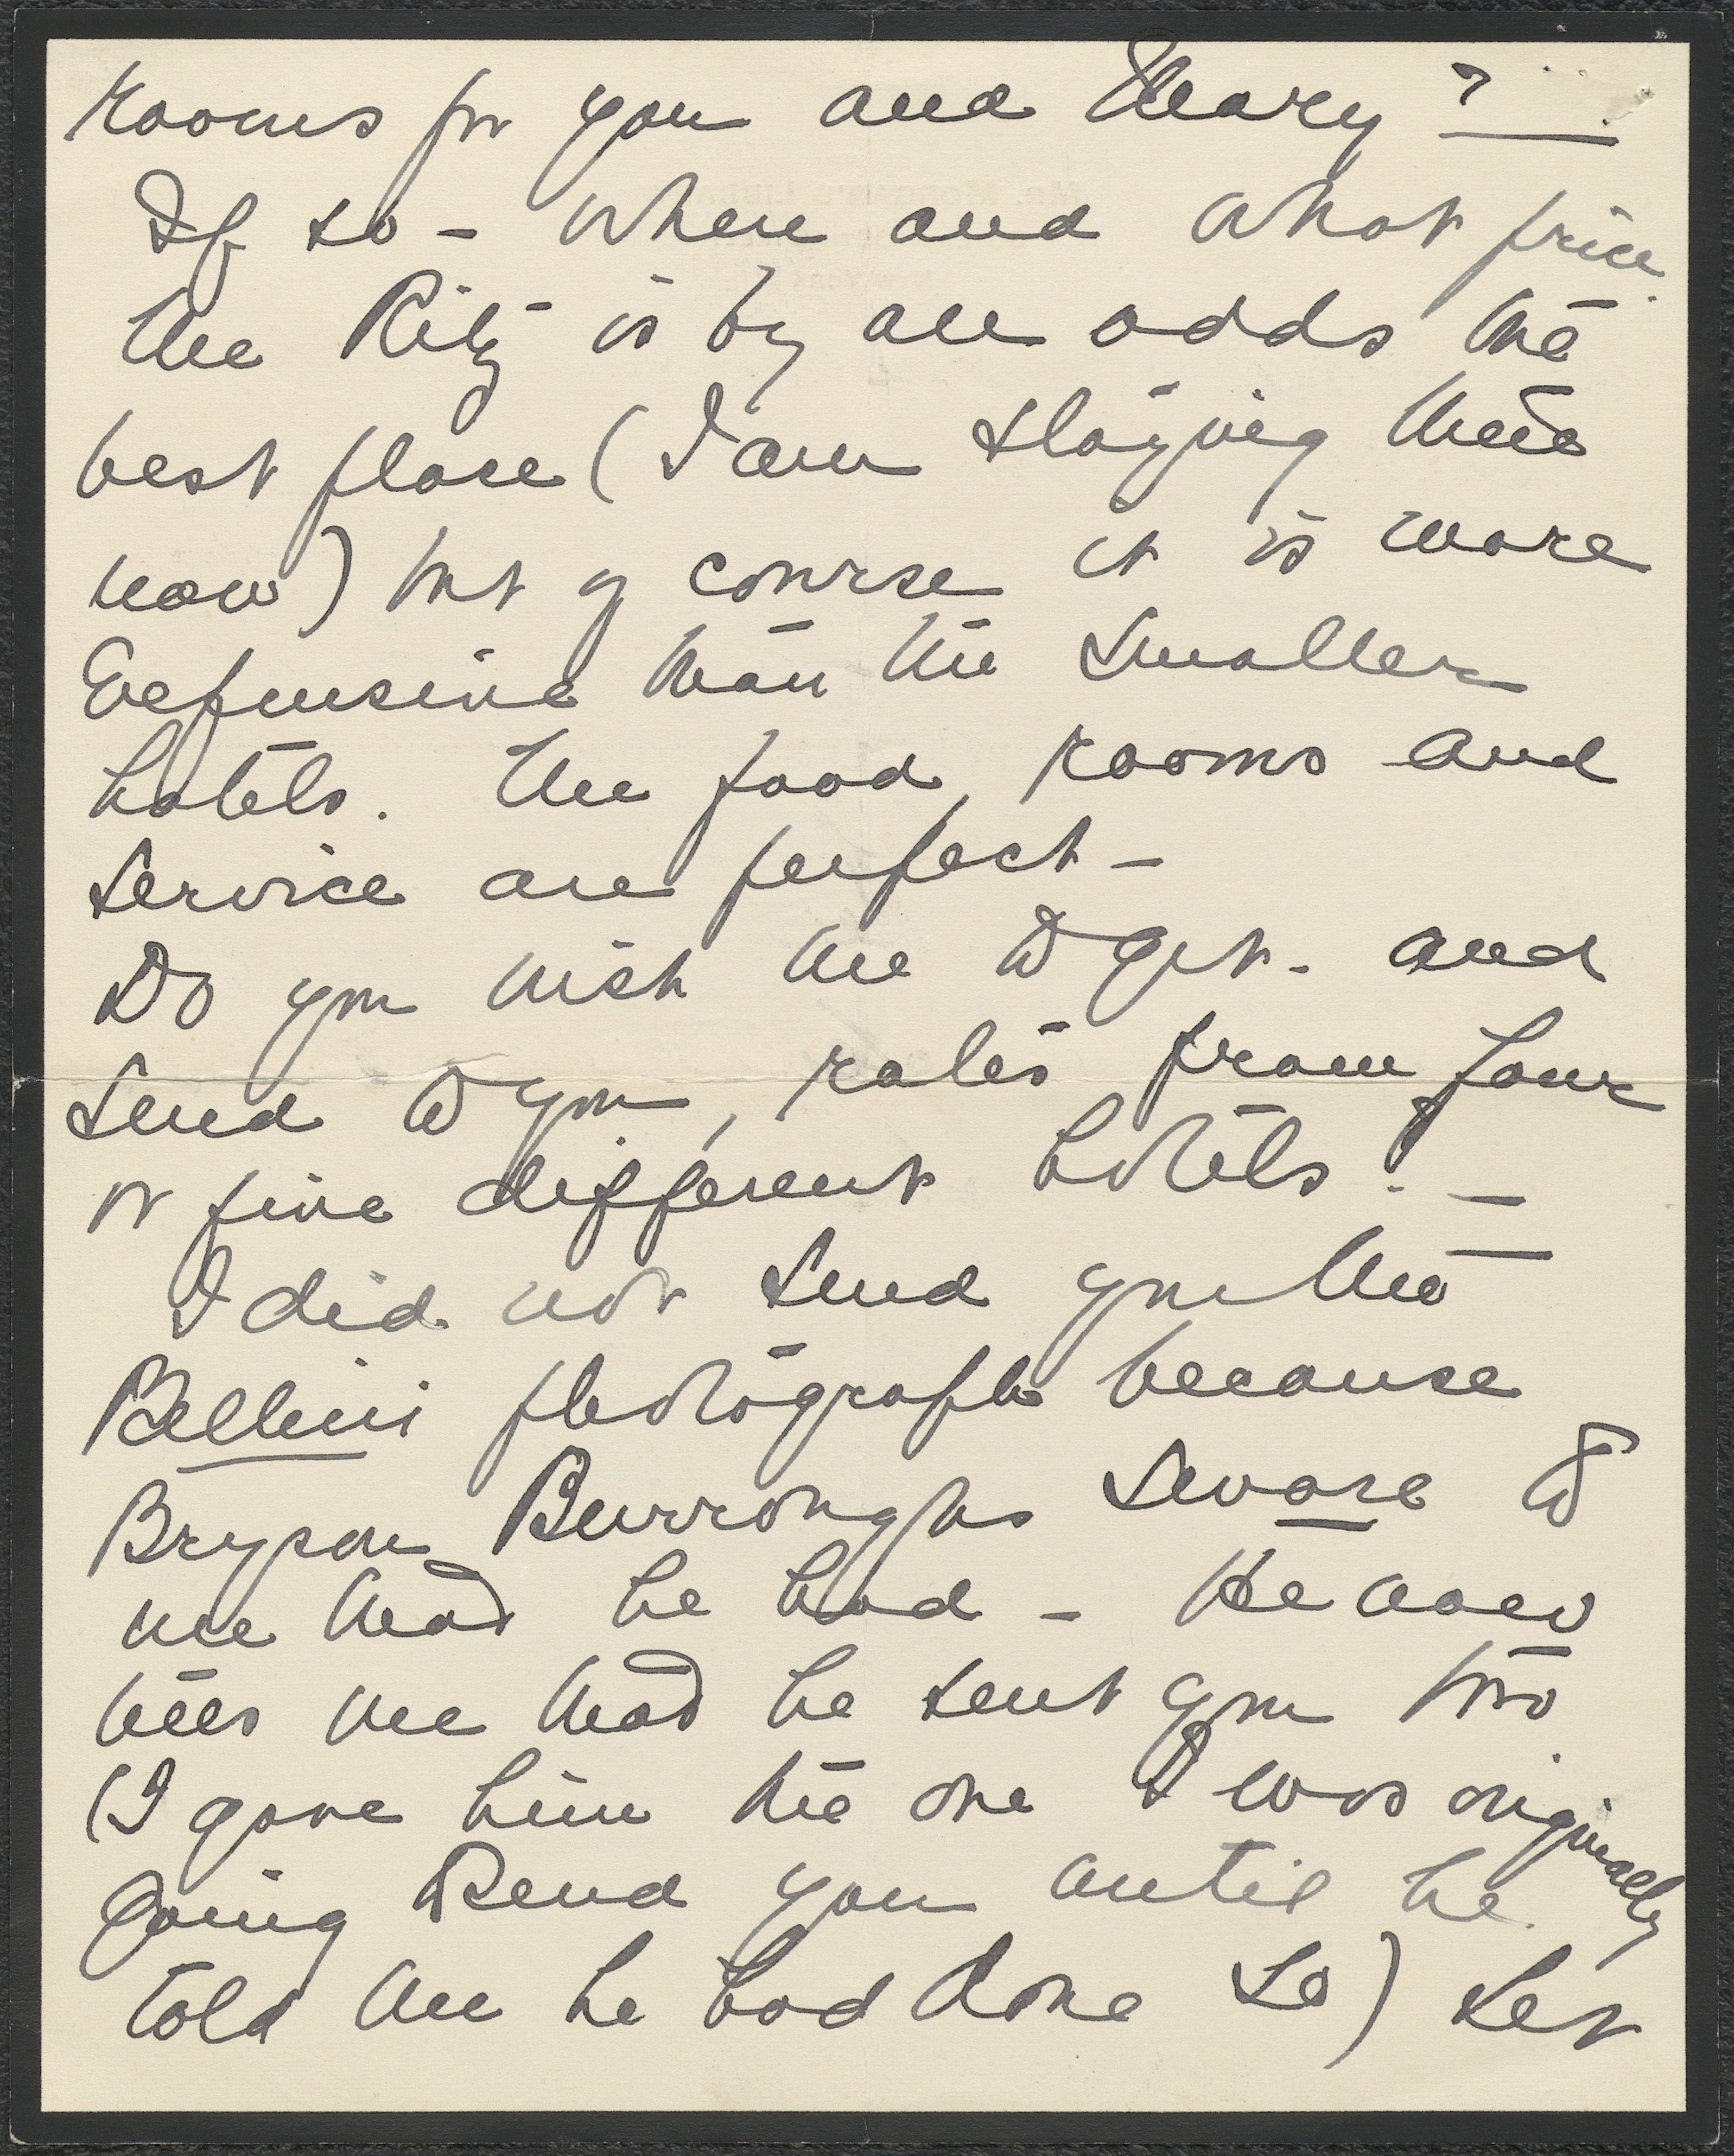rooms for you and Mary?
If so – where and what price. The Ritz is by all odds the best place (I am staying there now) but of course it is more expensive than the smaller hotels. The food, rooms and service are perfect –
Do you wish me to get – and send to you, rates from four or five different hotels? –
I did not send you the Bellini photographs because Bryson Burroughs swore to me that he had – He now tells me that he sent you two (I gave him the one I was originally going to send you until he told me he had done so) Let